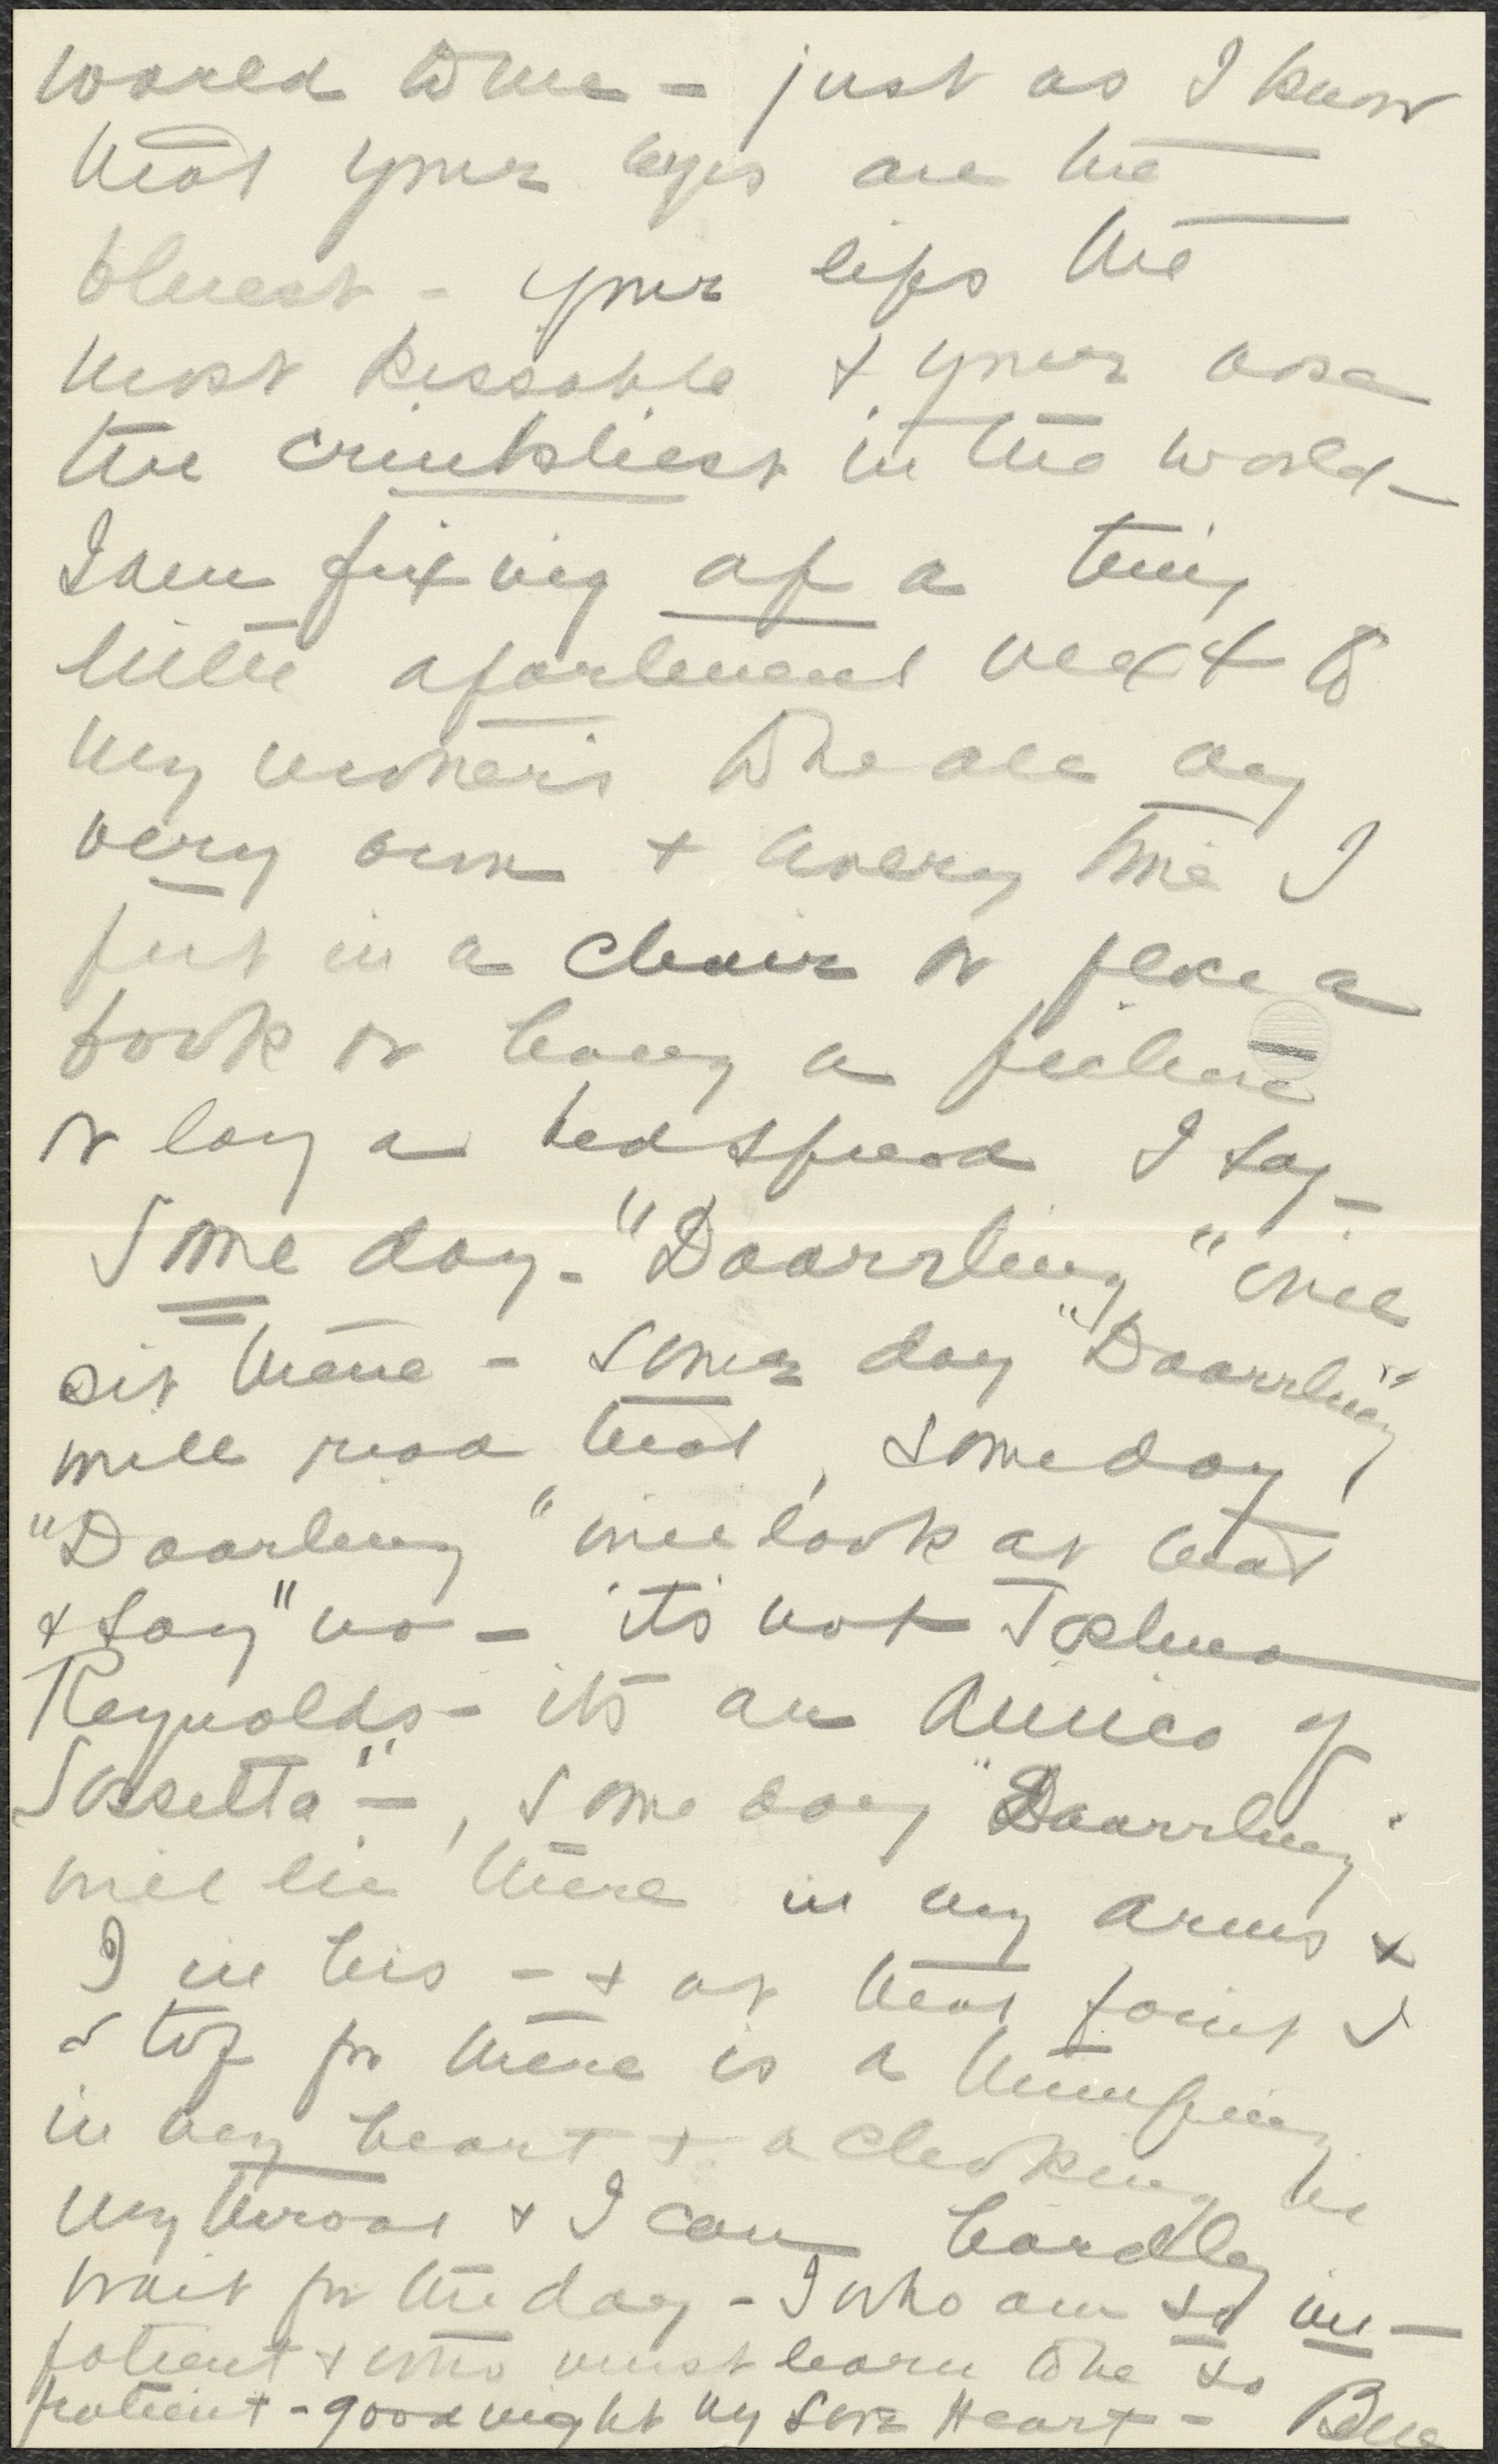world to me – just as I know that your eyes are the bluest – your lips the most kissable & your nose the crinkliest in the world – I am fixing up a tiny little apartment next to my mother’s to be all my very own & every time I put in a chair or place a book or hang a picture or lay a bedspread I say – [double underlined: some] day – “Daarrling” will sit there – some day “Daarrling” will read that, someday “Daarrling” will look at that & say “no – it’s not Joshua Reynolds – its [sic] an Amico of Sassetta” – some day “Daarrling” will lie there in my arms & I in his – & at that point I stop for there is a thumping in my heart & a choking in my throat & I can hardly wait for the day – I who am so impatient & who must learn to be so patient – good night my Sore Heart – Belle